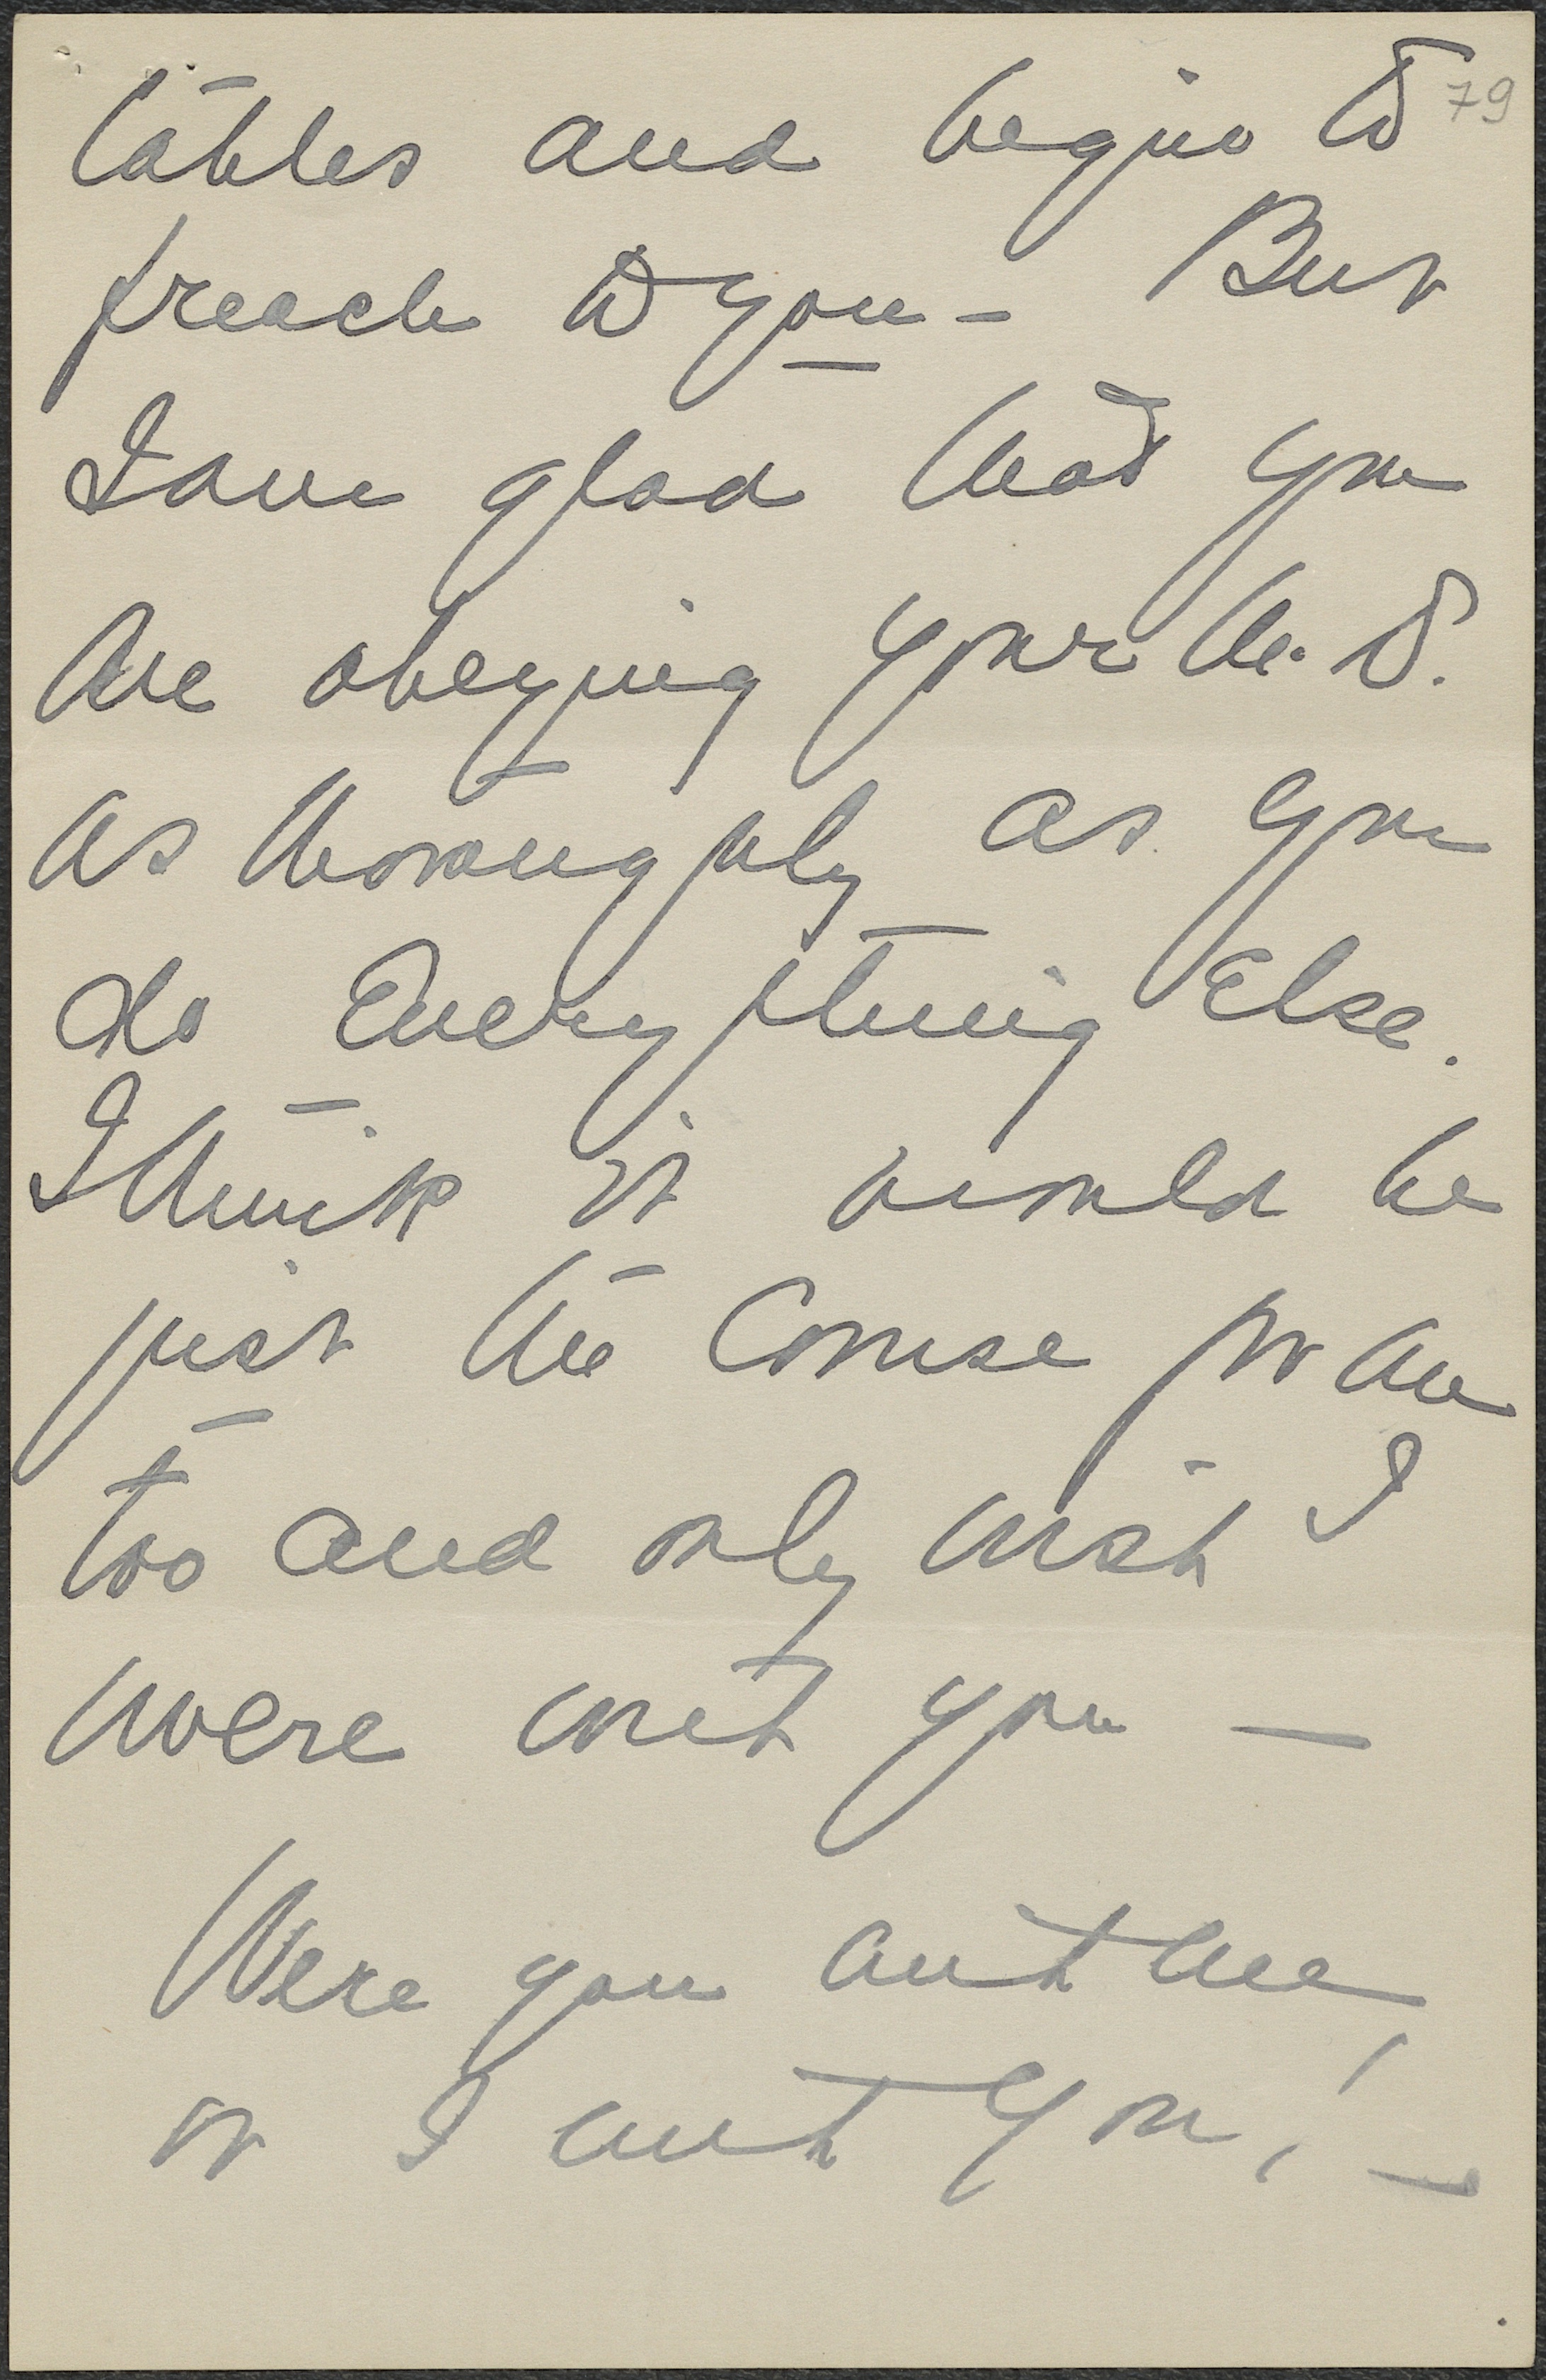tables and begin to preach to you – But I am glad that you are obeying your M.D. as thoroughly as you do everything else. I think it would be just the cause for me too and only wish I were with you –
Were you with me or I with you! –